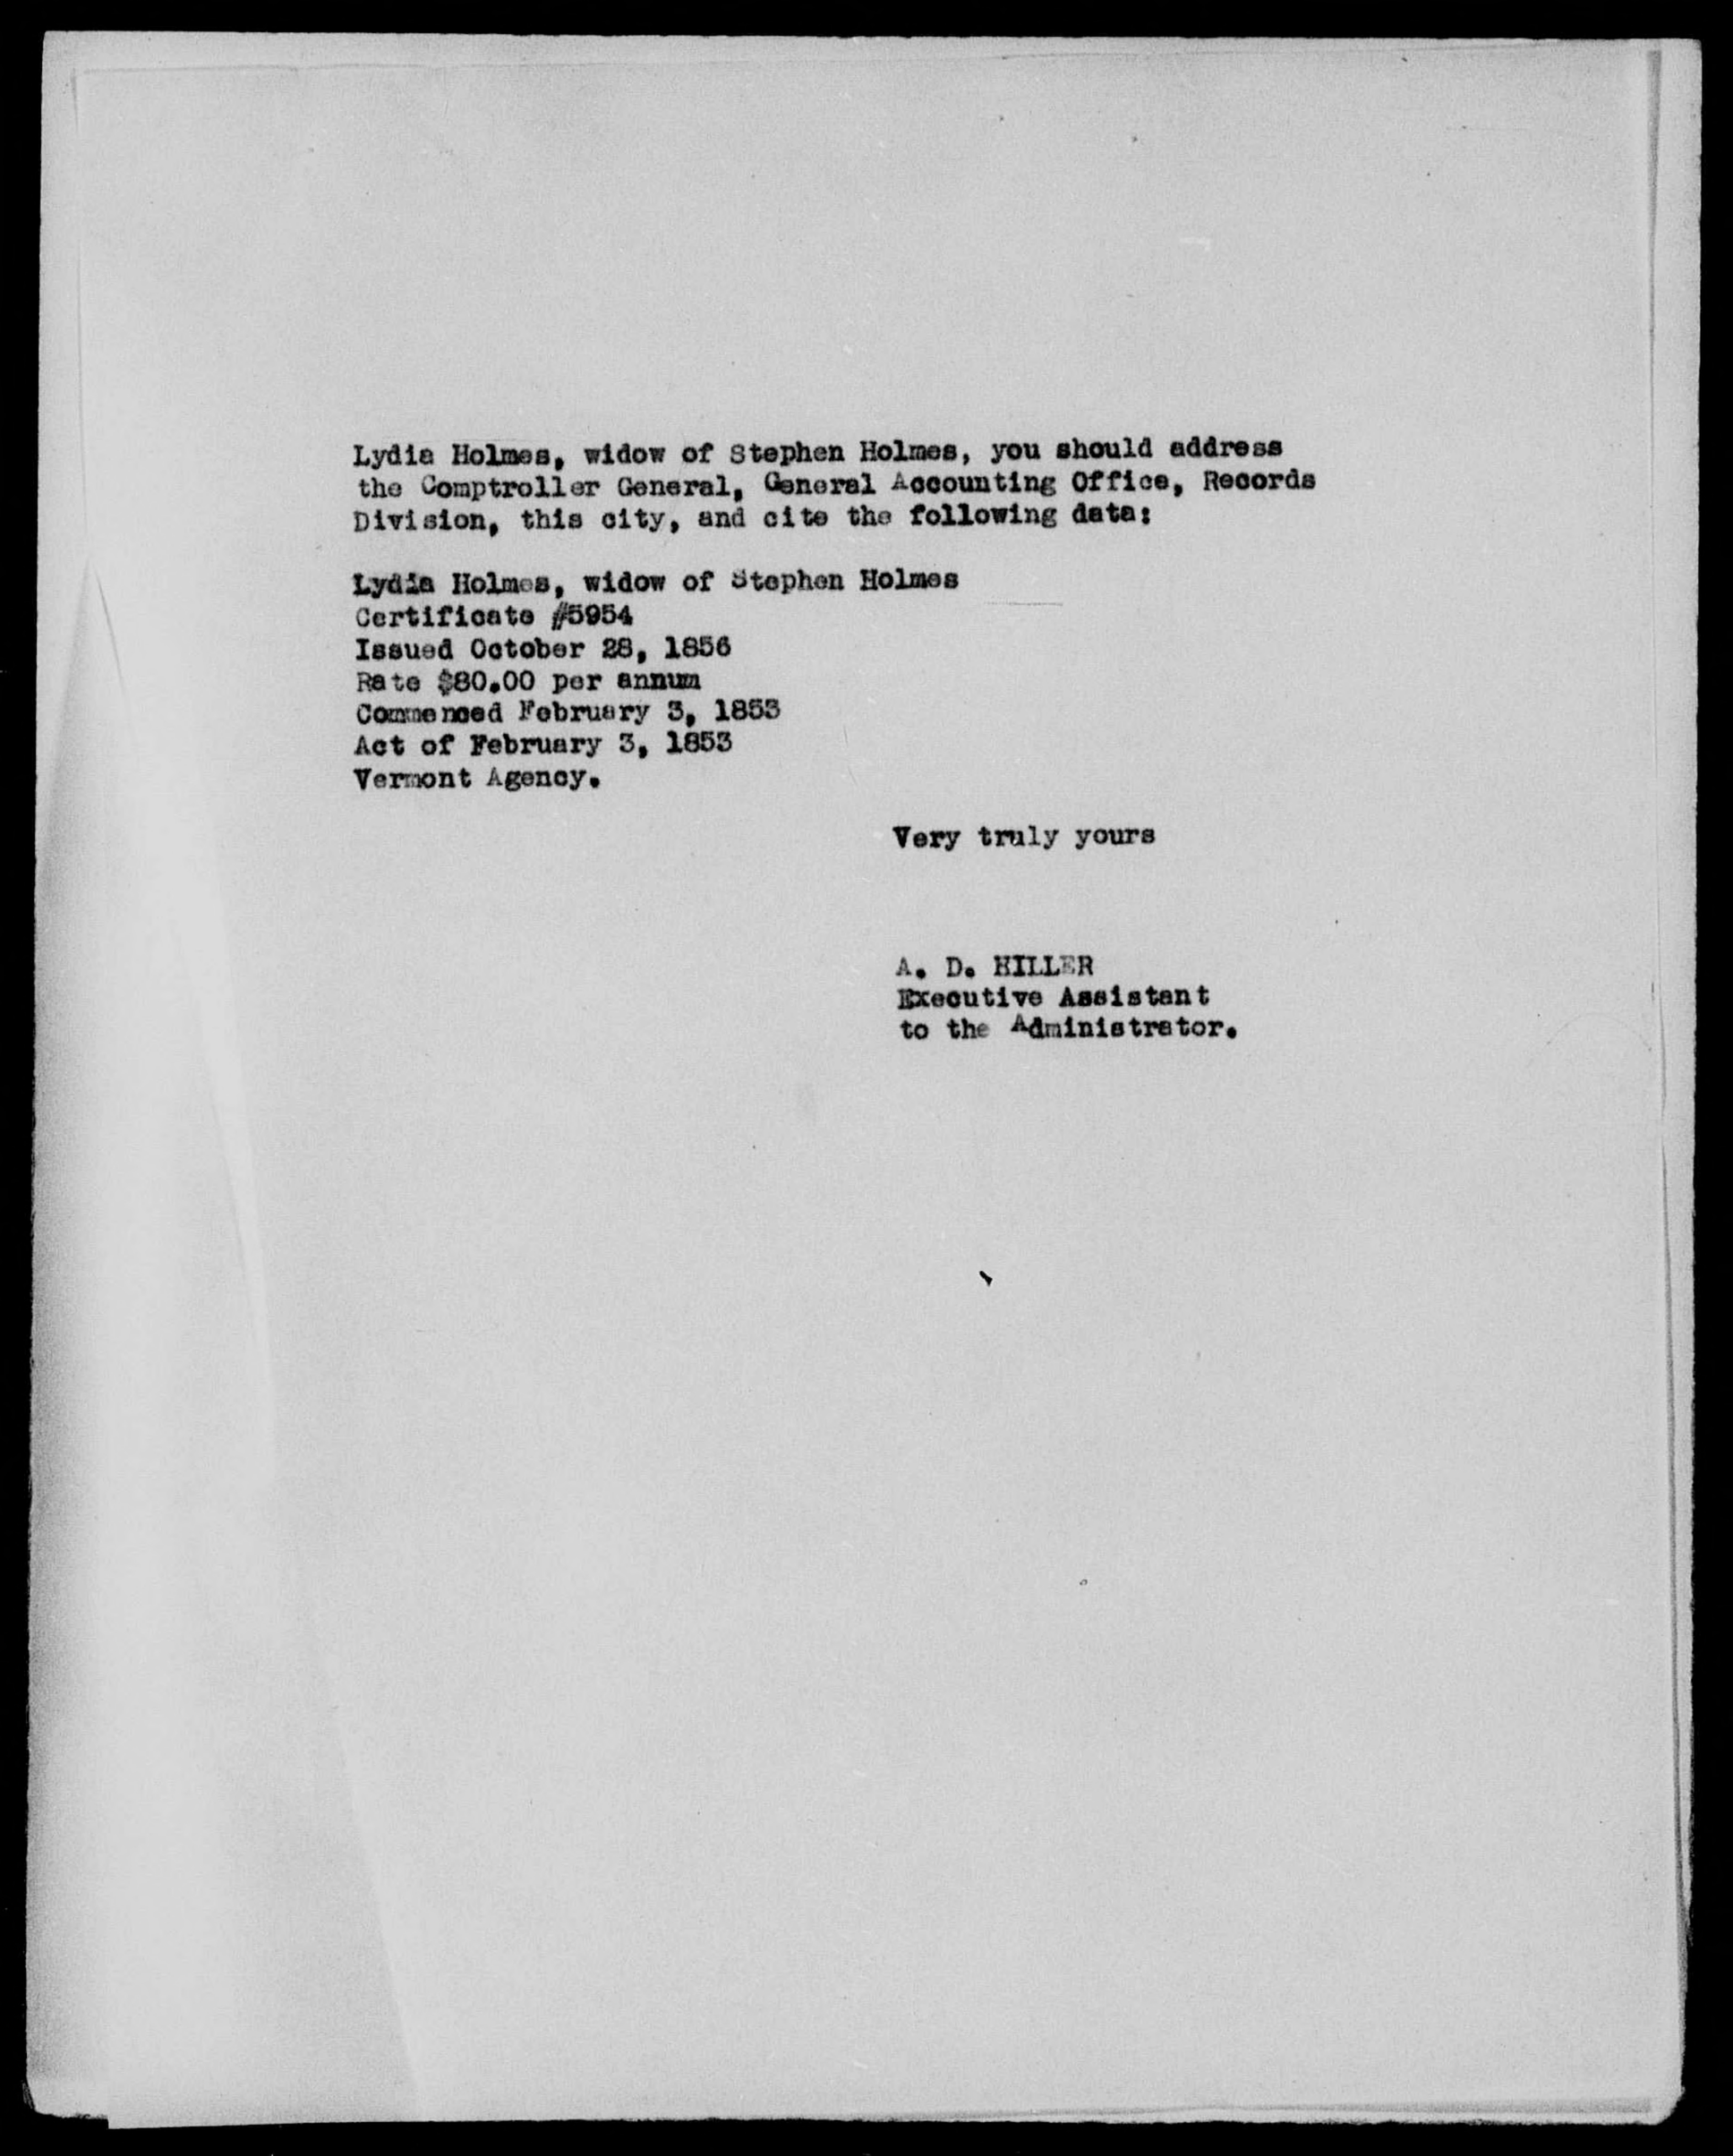Lydia Holmes, widow of Stephen Holmes, you should address the Comptroller General, General Accounting Office, Records Division, this city, and cite the following data:

Lydia Holmes, widow of Stephen Holmes
Certificate #5954
Issued October 28, 1856
Rate $80.00 per annum
Commenced February 3, 1853
Act of February 3, 1853
Vermont Agency.

Very Truly yours

A. D. HILLER
Executive Assistant to the Administrator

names: A D Hiller, Lydia Holmes, Stephen Holmes, Stephen Holmes, Lydia Holmes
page: 24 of 72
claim: widow's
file: W. 7771, Stephen Holmes, Vt.